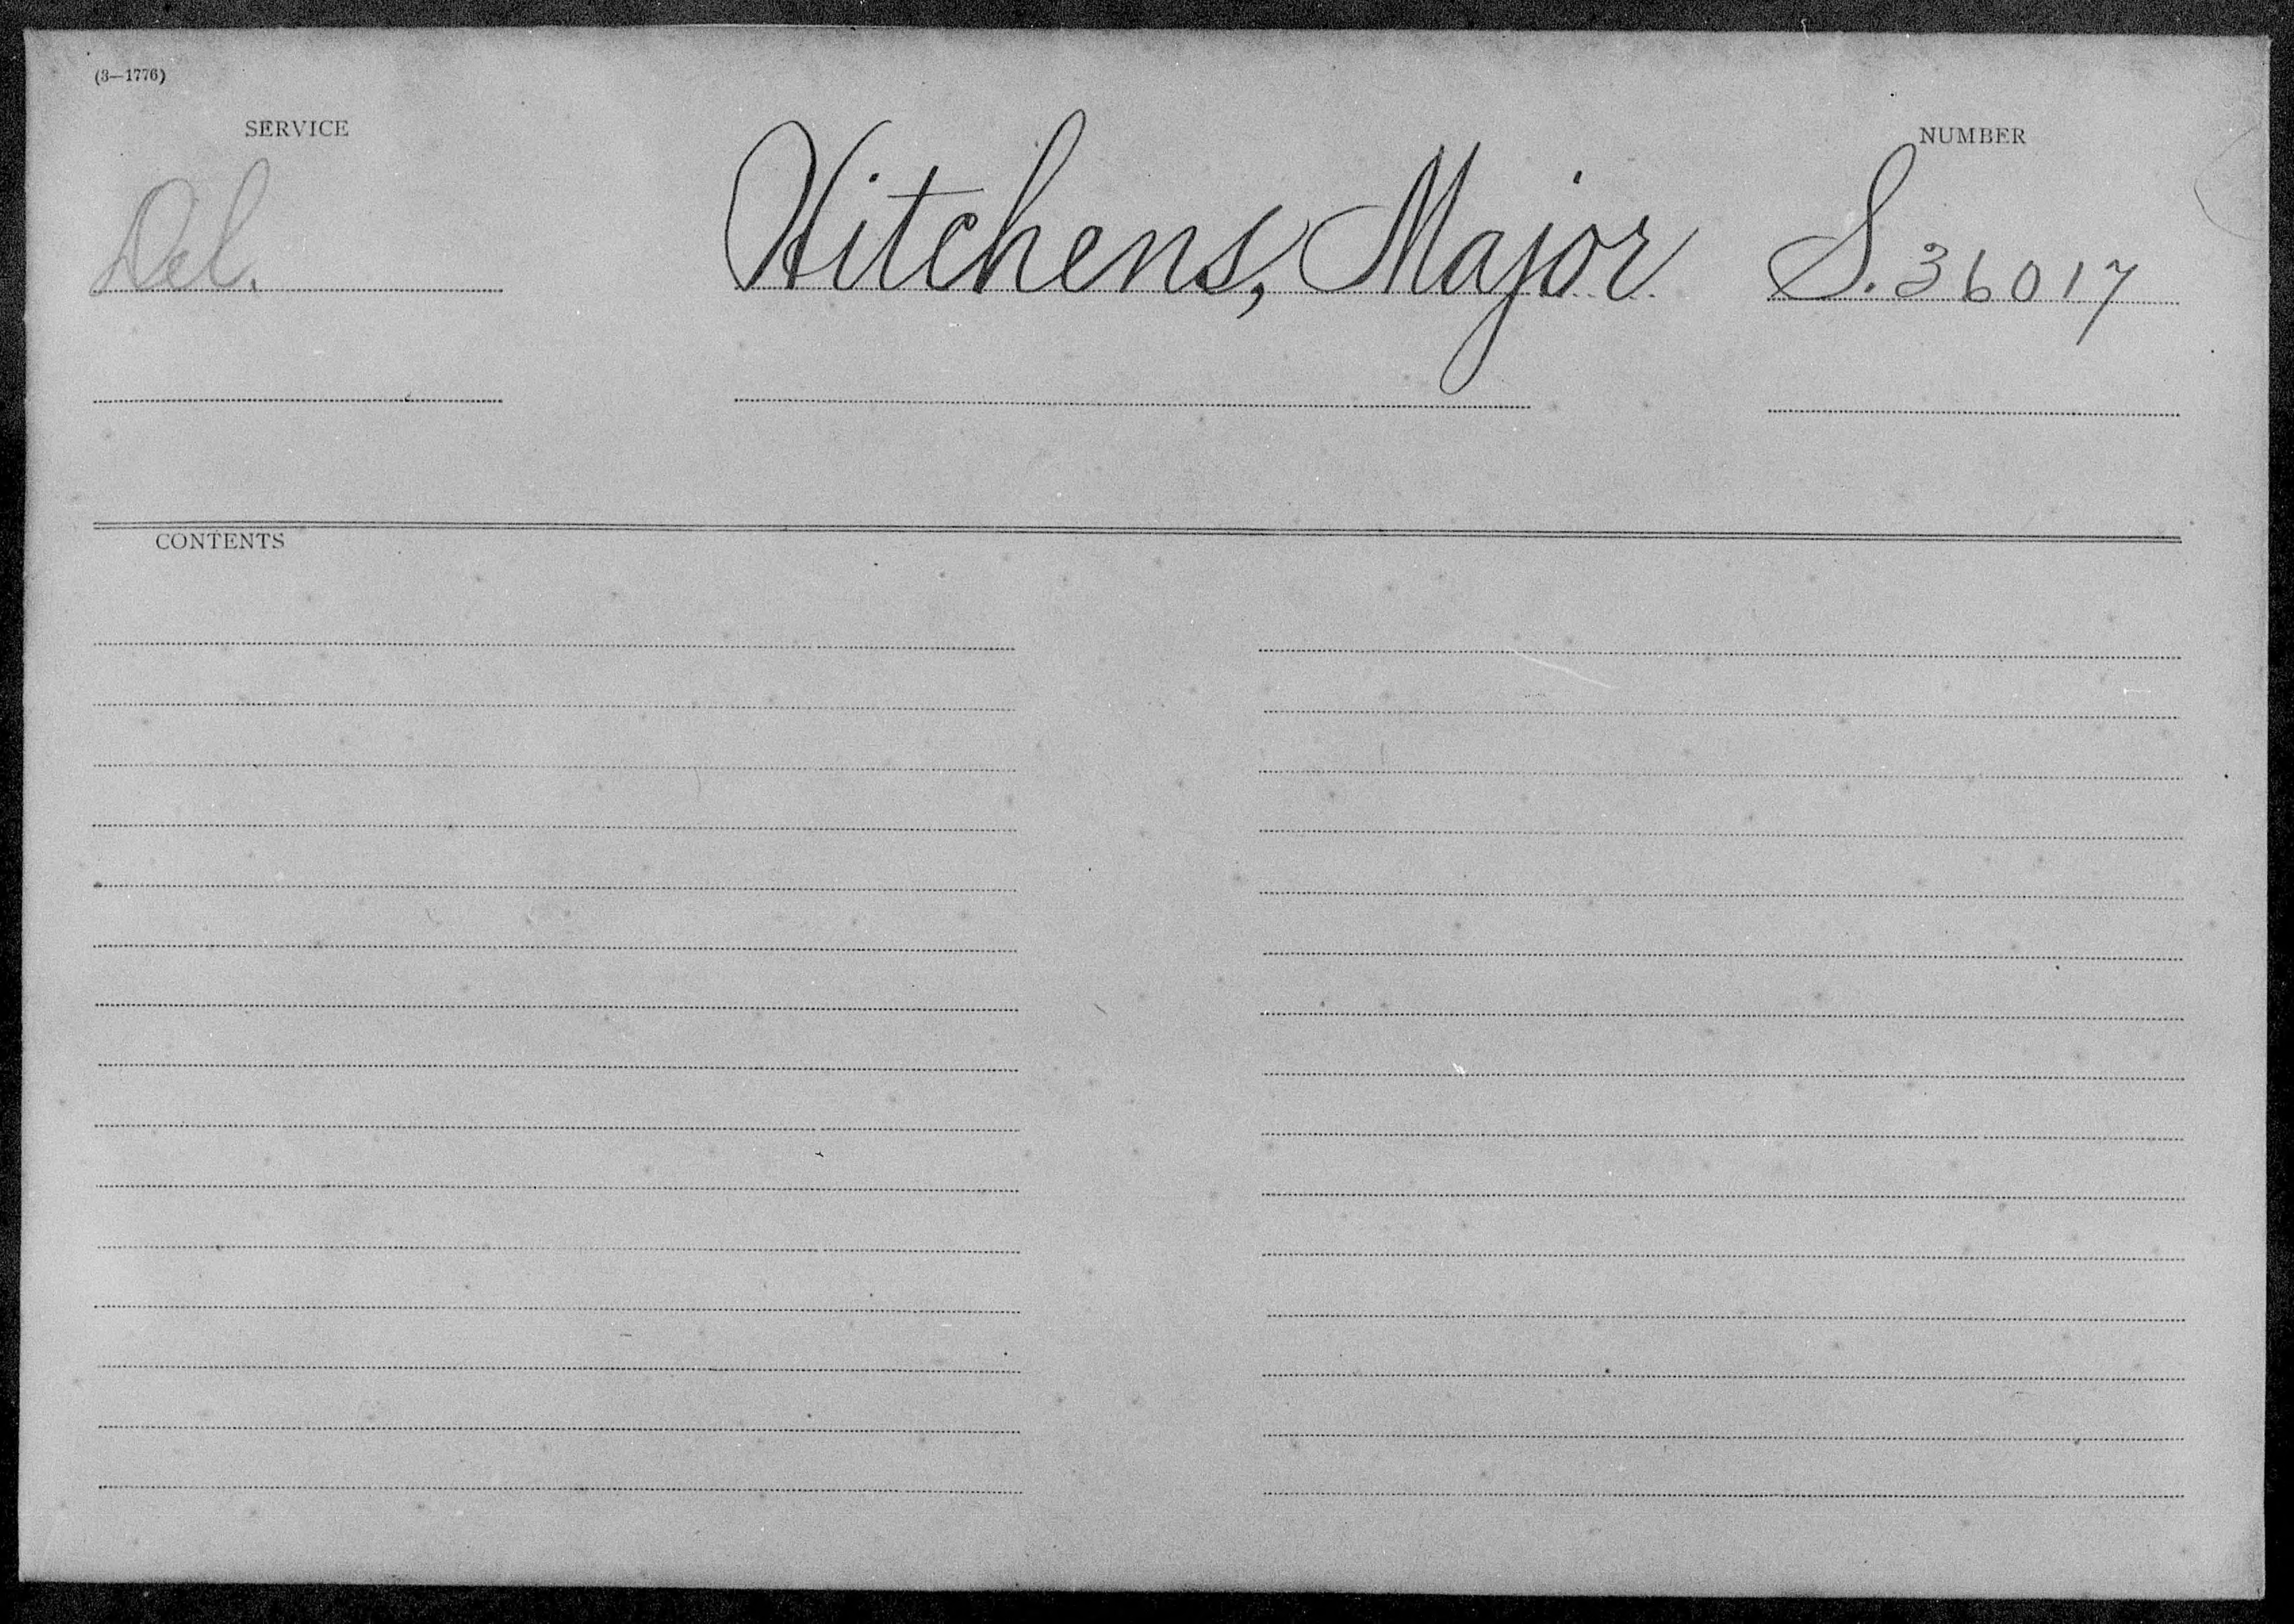(3 - 1776)
Hitchens, Major

SERVICE
Del.

NUMBER
S.36017


CONTENTS
[blank]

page: 1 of 21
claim: survivor's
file: S. 36017, Major Hitchens, Del.